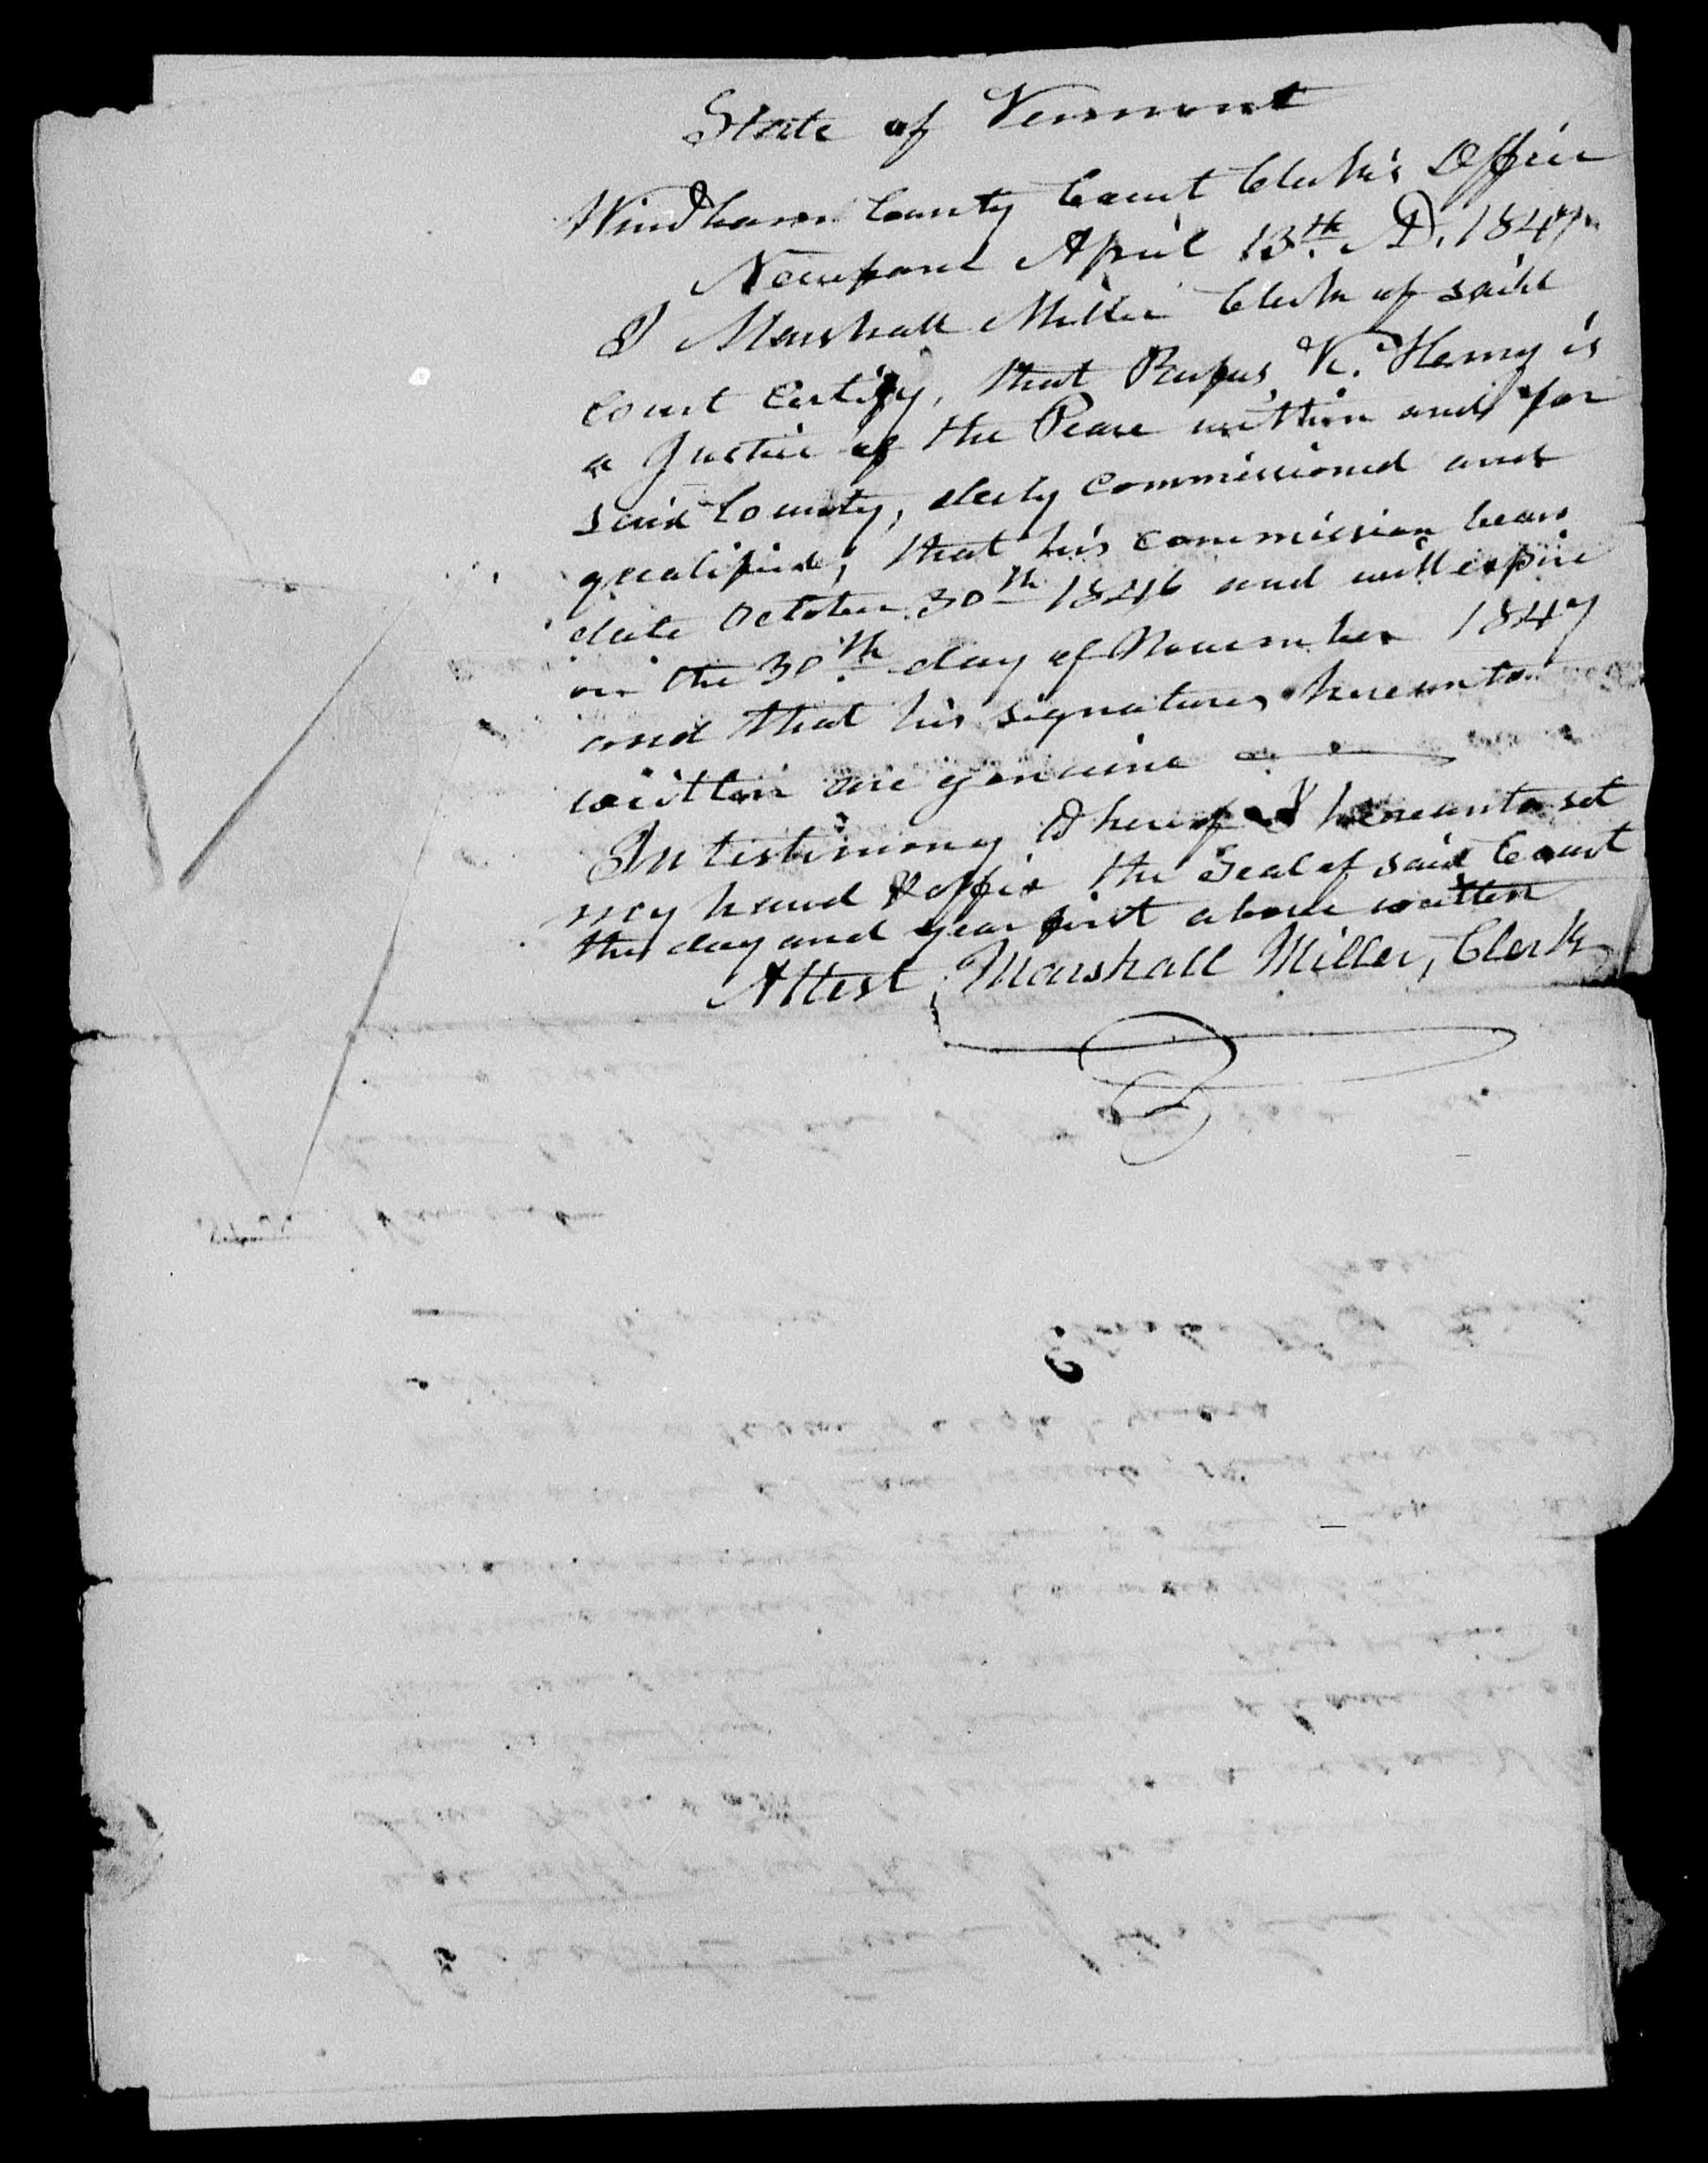State of Vermont
Windham County Court Clerk's Office
---- April 13th D. 1847
I, Marshall Miller, clerk of said 
court certify that  Rufus V. Henry is
a Justice of the Peace within and for 
said county, duly commissioned and 
qualified that his commissioning bears
date October 30th 1846 and will expire
on the 30th day of November 1847
and that his signature, hereunto
written, are genuine—
In testimony I hereby hereunto set
my hand --- the seal of said court the day and year first above written.
Attest, Marshall Miller, Clerk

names: Rufus K Henry, Marshall Miller, Marshall Miller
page: 32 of 40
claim: rejected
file: R. 4251, John Green, Conn.